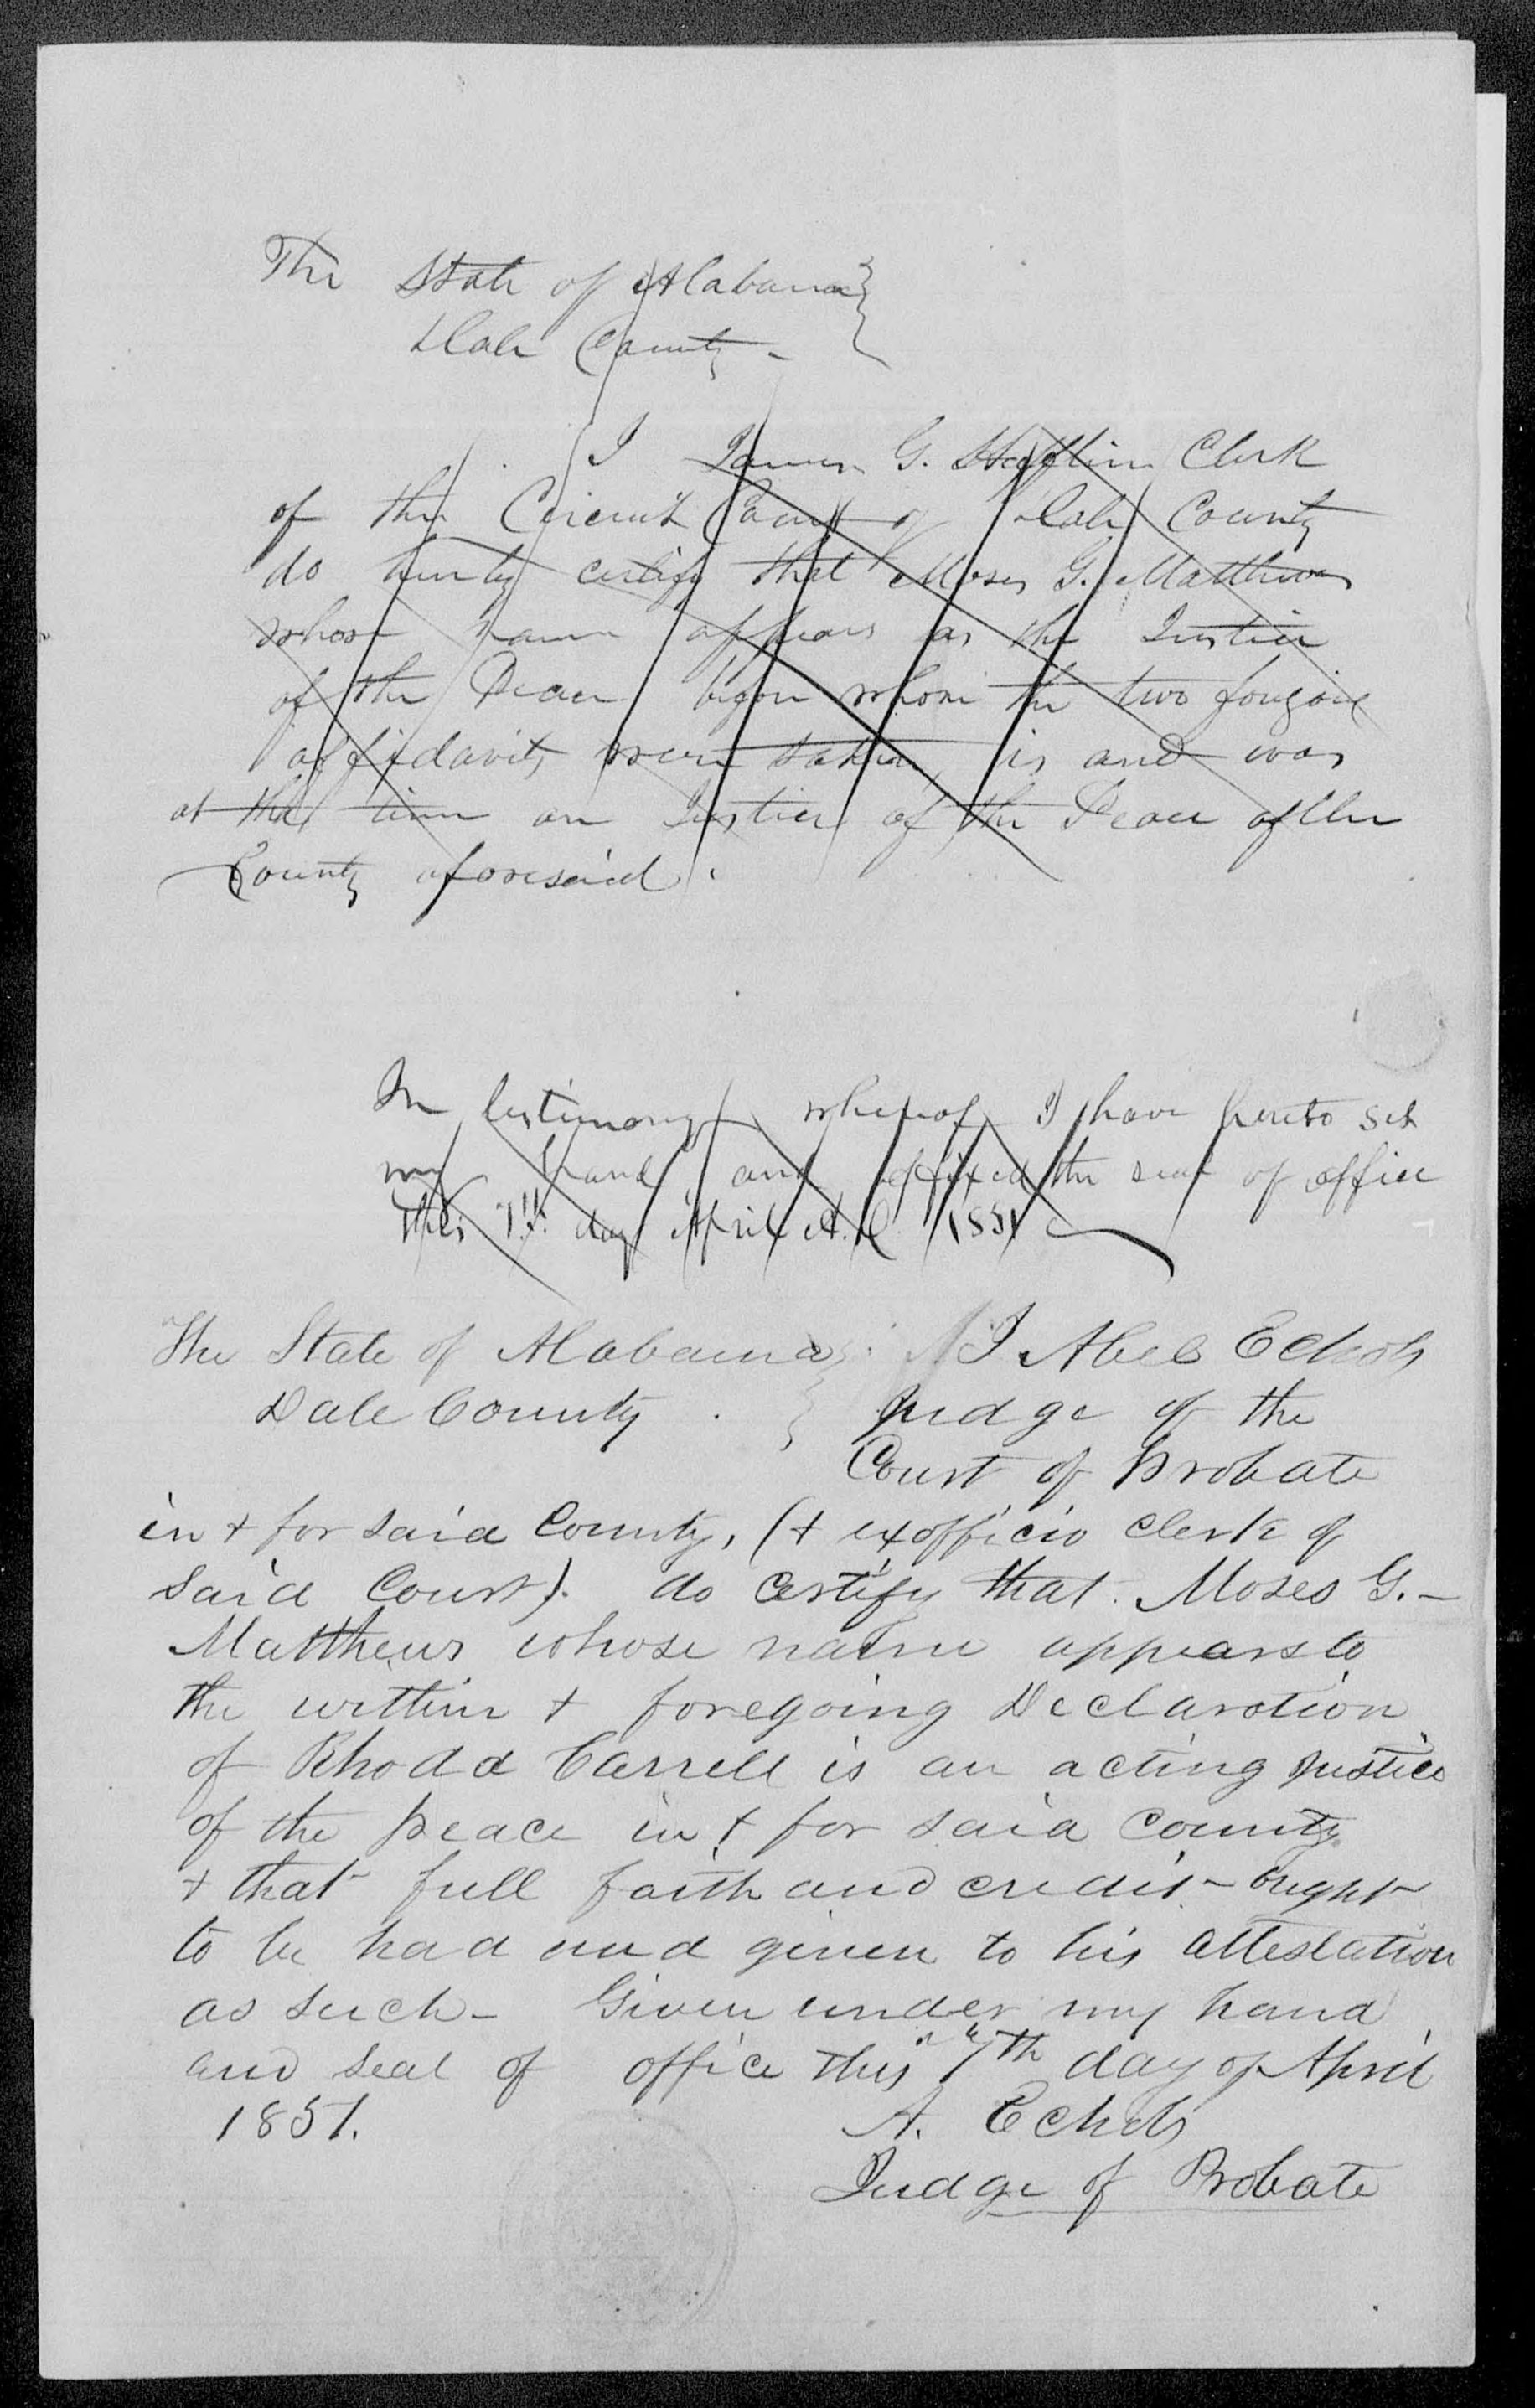[first 2 paragraphs crossed out- clerks attestation]

The Sate of Alabama
Dale County }
I Abel Echols Judge of the Court of Probate in and for said county, ( and exofficio Clerk of said court) do certify that Moses G. Matthews whose name appears to the within and foregoing declaration of Rhoda Carrell is an acting Justice of the Peace in and for said county and that full faith and credit ought to be had and given to his attestation as such- Given under my hand and seal of office this 7th day of April 1857.  A. Echols  Judge of Probate.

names: Abel Echols, James G Hufflin, Moses G Matthews, Rhoda Carrell, Moses G Matthews, A Echols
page: 48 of 86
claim: widow's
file: W. 6899, James Carrell, N.C.